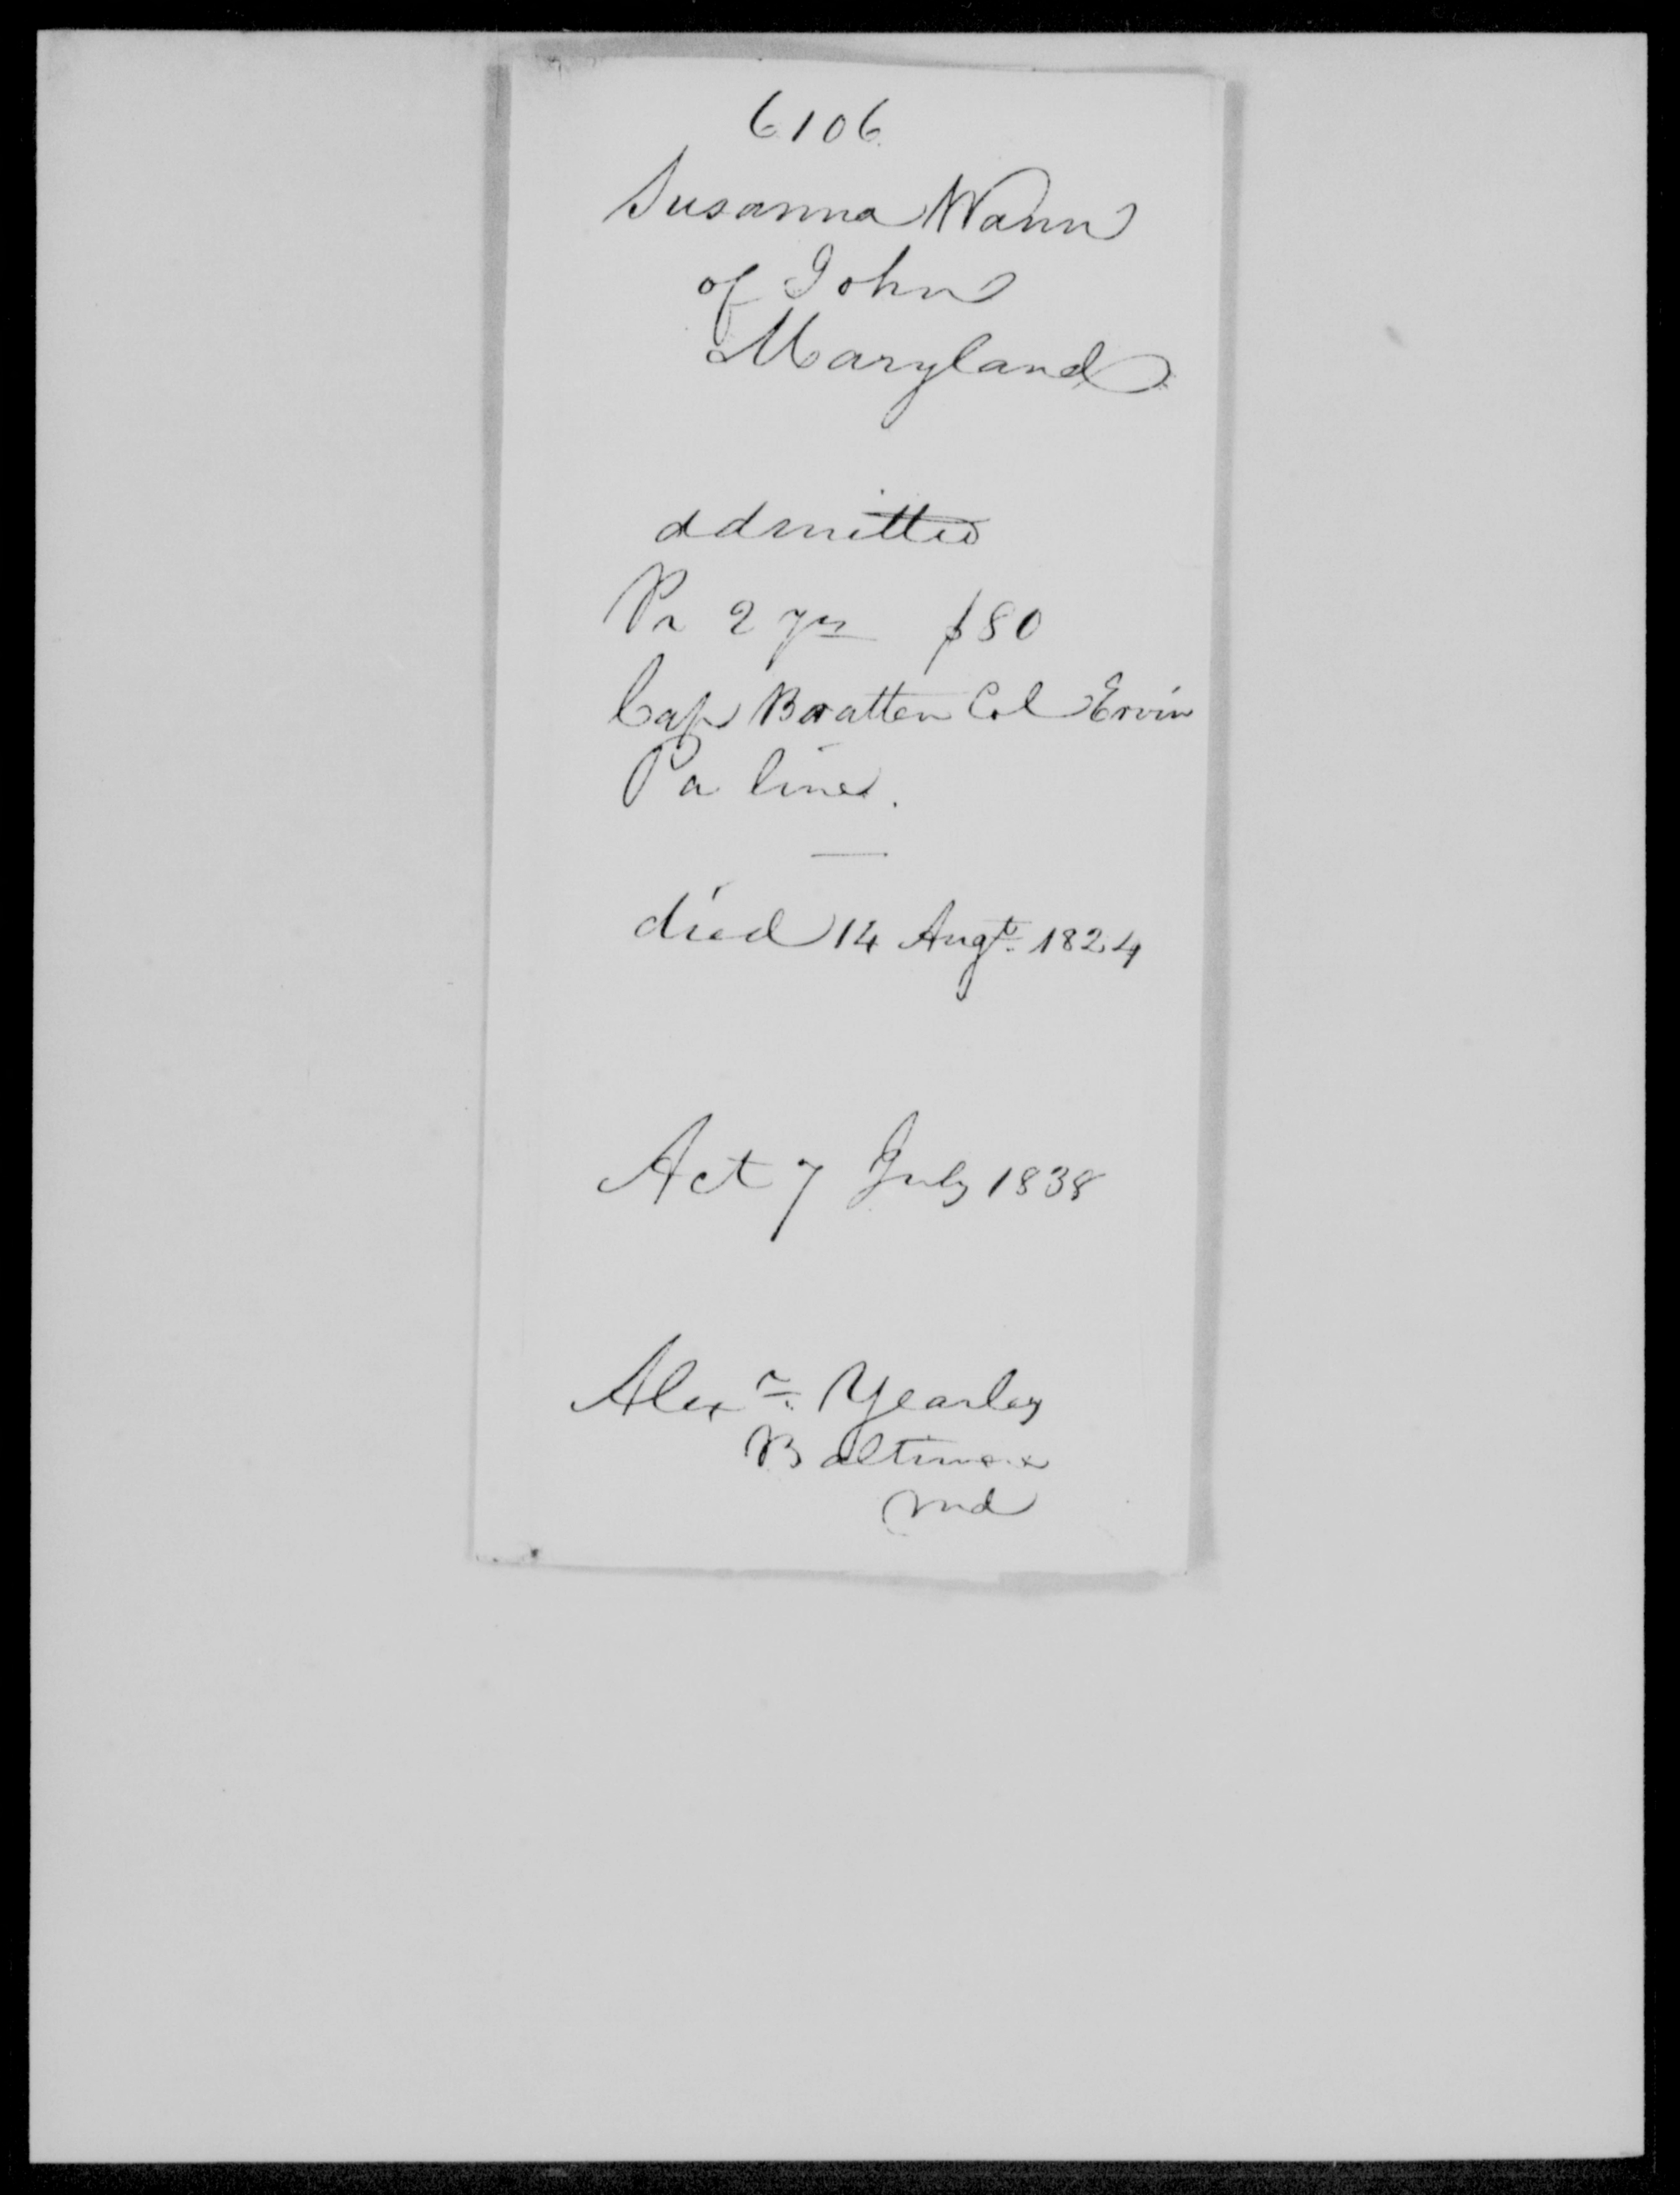6106
Susanna Wann of John 
Maryland

admitted 
Pr 2 yrs - $80
Cap Bratten Col Ervin
Pa Line. 
 --
Died 14 Augt. [August] 1824

Alexr. [Alexander] Yearley
Baltimore Md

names: Bratton, Susanna Wann, Ervin, John Wann, Alexr Yearley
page: 20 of 38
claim: widow's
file: W. 3899, John Wann, Penn.